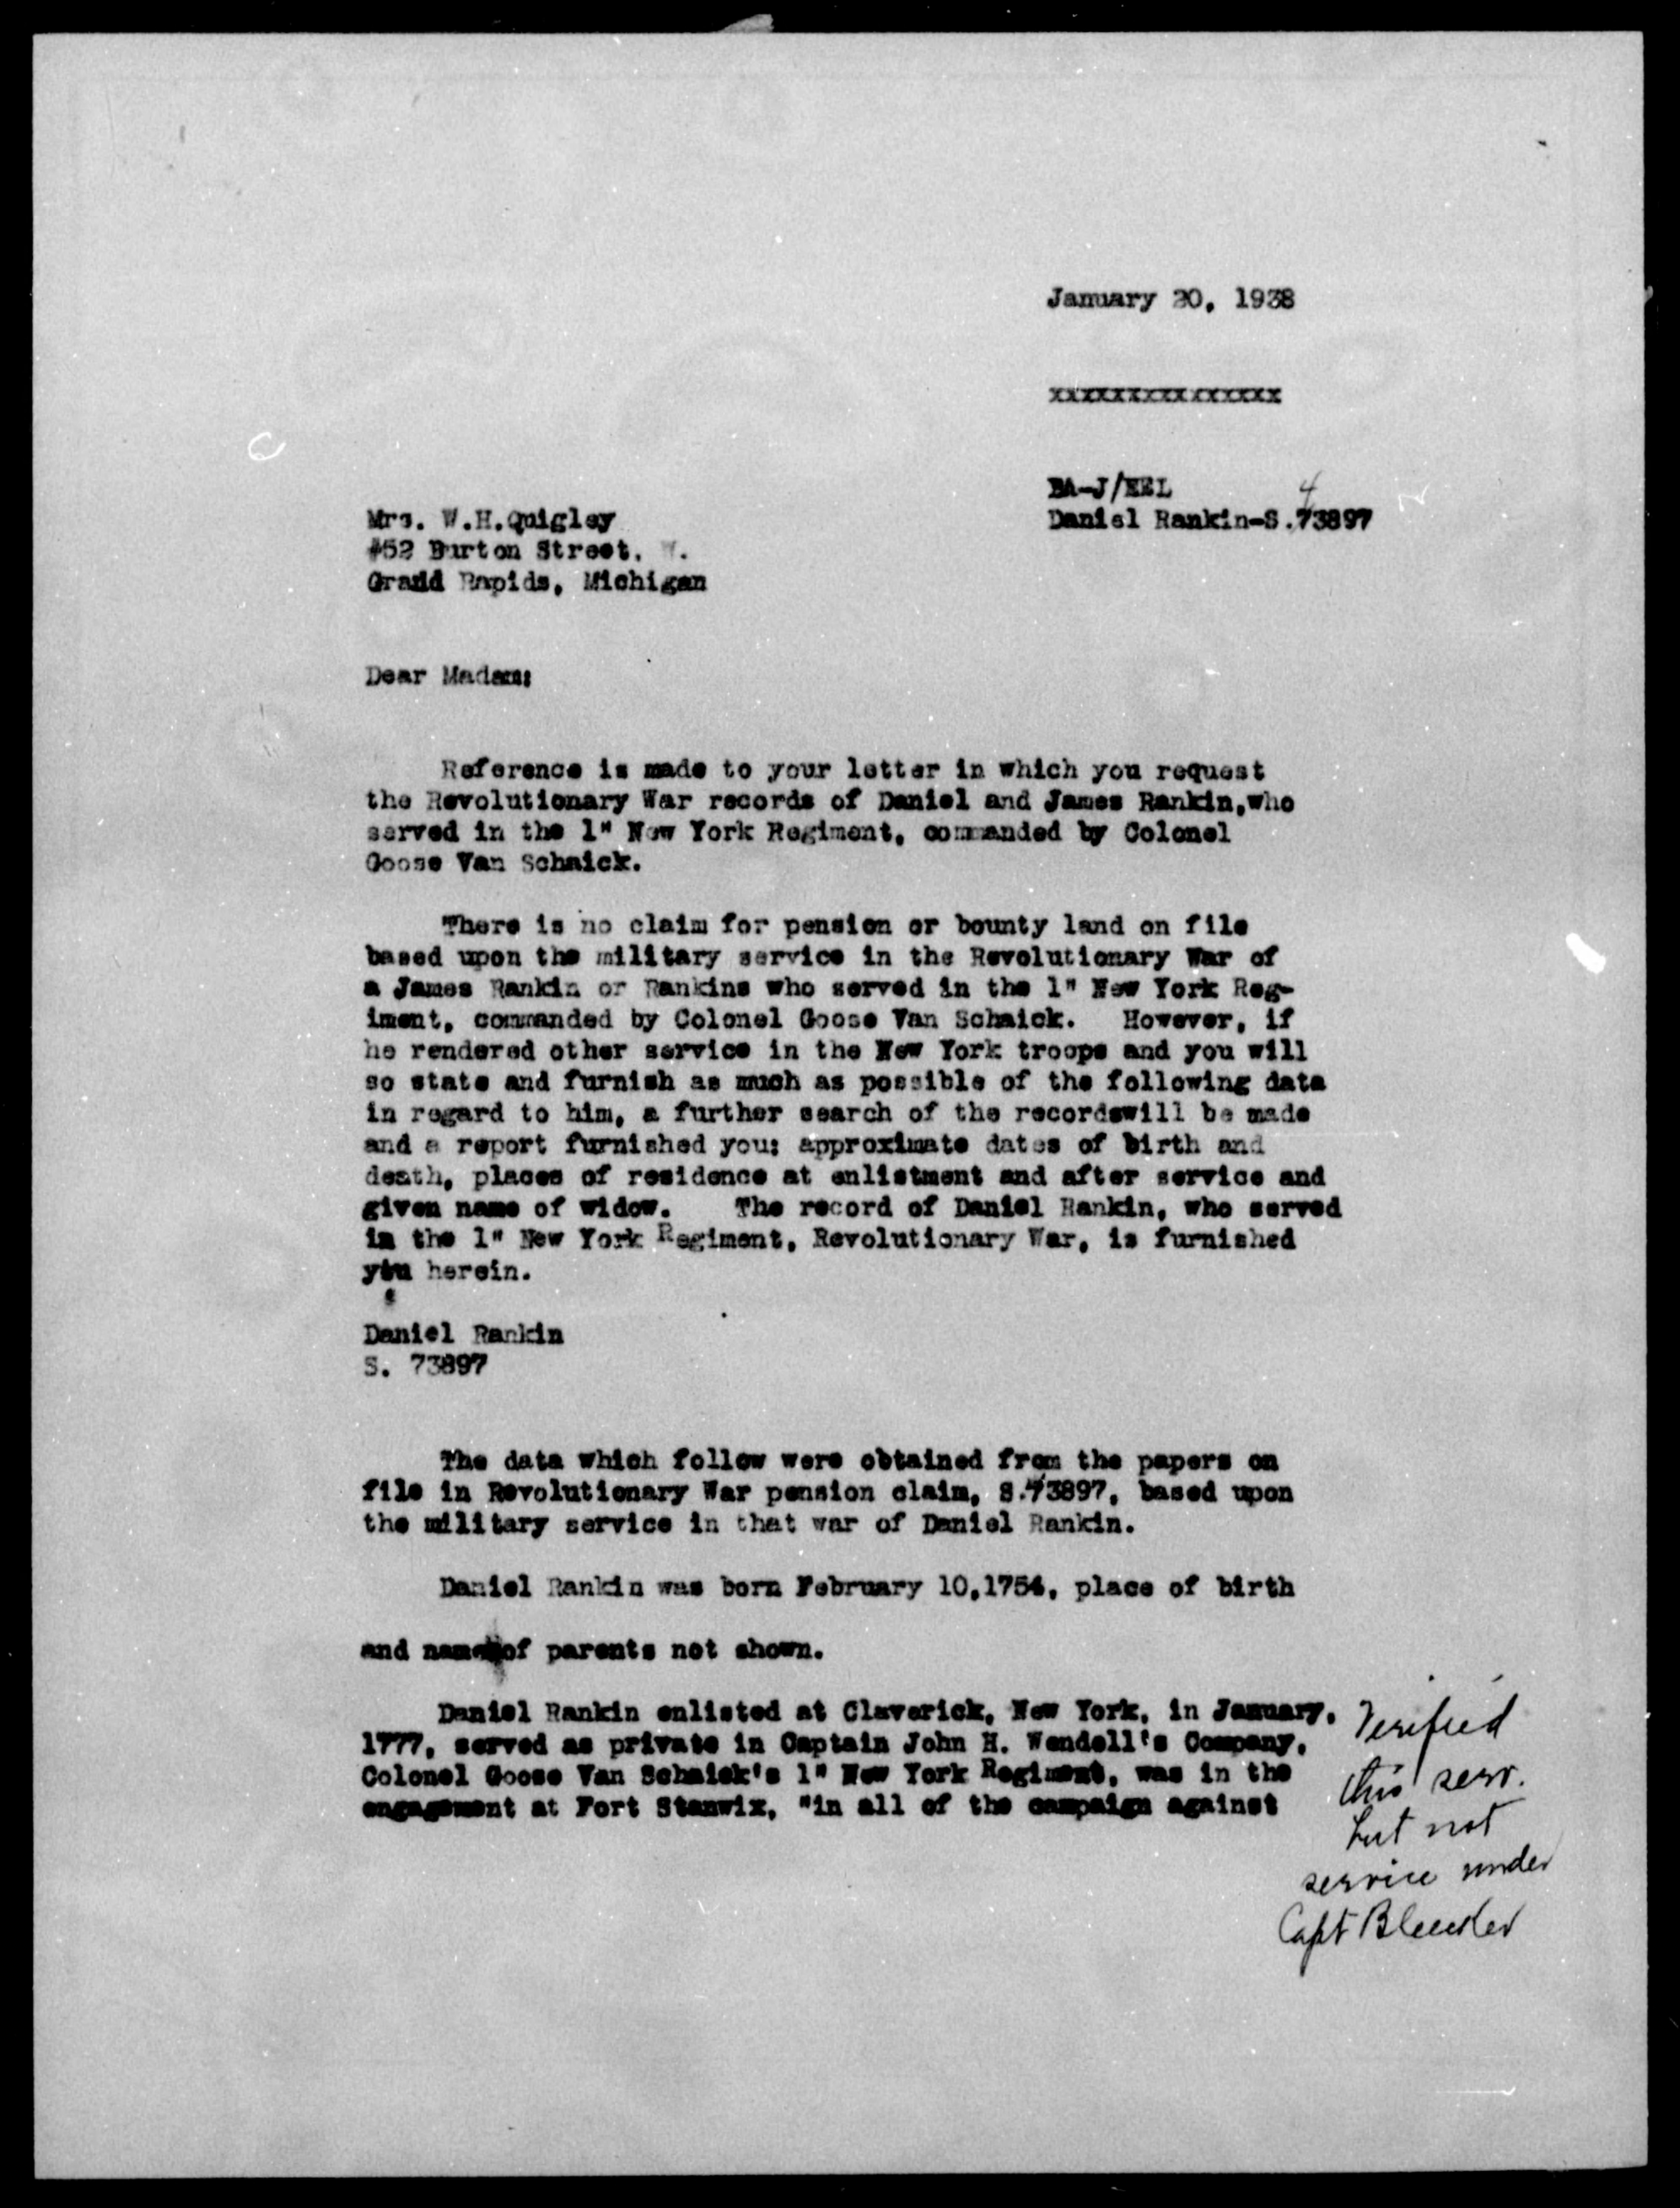January 30 1938

BA-J/EEL
Daniel Rankin-S. 43897

Mrs. W.H. Quigley
152 Burton Street
Grand Rapids, Michigan

Dear Madam:

Reference is made to your letter in which you request the Revolutionary War records of Daniel and James Rankin, who served in the 1" New York Regiment, commanded by Colonel Goose Van Schaick. 

There is no claim for pension or bounty land on file based upon the military service in the Revolutionary War of a James Rankin or Rankins who served in the 1" New York Regiment, commanded by Colonel Goose Van Schnaick. However, if he rendered other services in the New York troops and you will so state and furnish as much as possible of the following data  in regard to him, a further search of the records will be made and a report furnished you: approximate to dates of birth and death, places of residence at enlistment and after service and given names of widow. The record of Daniel Rankin, who served in the 1" New York Regiment, Revolutionary War, is furnished you herein. 

Daniel Rankin
S. 73897

The data which follow were obtained from the papers on file in Revolutionary War pension claim, S-73897, based upon the military service in that war of Daniel Rankin. 

Daniel Rankin was born February 10, 1754, place of birth and name of parents not shown. 

Daniel Rankin enlisted at Claverick, New York, in January, 1777, served as a private in Captain John H. Wendell's Company, Colonel Goose Van Schaick's 1" New York Regiment, was in the engagement at Fort Stenwiz, "in all of the campaign against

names: [BLANK] Bleecker; Daniel Rankin; James Rankins; James Rankin; Daniel Rankin; Goose Van Schaick; Goose Van Schaick; Daniel Rankin; Daniel Rankin; James Rankin; Daniel Rankin; Daniel Rankin; Daniel Rankin; W H Quigley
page: 15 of 27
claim: survivor's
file: S. 43897, for Daniel Rankin, New York